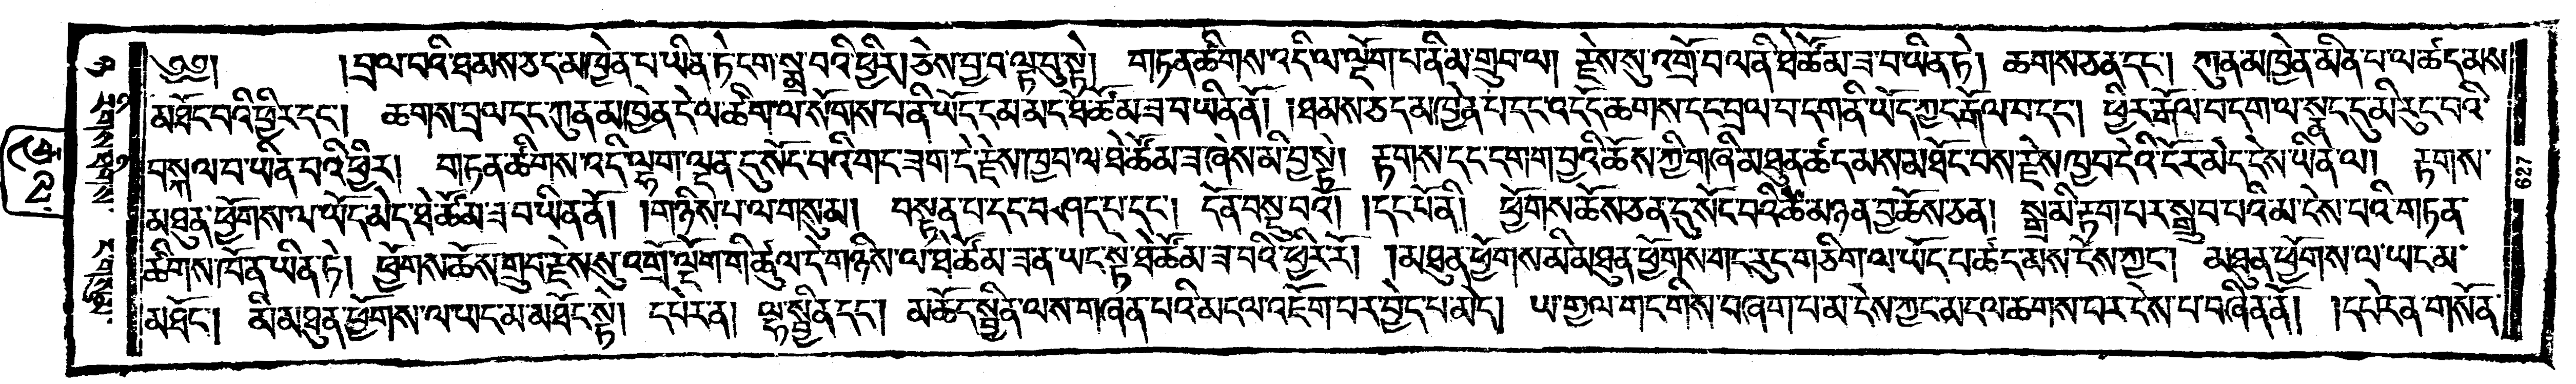༄༅། །བྲལ་བའི་ཐམས་ཅད་མཁྱེན་པ་ཡིན་ཏེ་ངག་སྨྲ་བའི་ཕྱིར། ཅེས་བྱ་བ་ལྟ་བུ་སྟེ། གཏན་ཚིགས་འདི་ལ་ལྡོག་པ་ནི་མ་གྲུབ་ལ། རྗེས་སུ་འགྲོ་བ་ལ་ནི་ཐེ་ཚོམ་ཟ་བ་ཡིན་ཏེ། ཆགས་ཅན་དང་། ཀུན་མཁྱེན་མིན་པ་ལ་ཚད་མས་
མཐོང་བའི་ཕྱིར་དང་། ཆགས་བྲལ་དང་ཀུན་མཁྱེན་དེ་ལ་ཚིགས་ལ་སོགས་པ་ནི་ཡོད་དམ་མང་ཐེ་ཚོམ་ཟ་བ་ཡིན་ནོ། །ཐམས་ཅད་མཁྱེན་པ་དང་འདོད་ཆགས་དང་བྲལ་བ་དག་ནི་ཡོད་ཀྱང་རྒོལ་བ་དང་། ཕྱིར་རྒོལ་བདག་ལ་སྣང་དུ་མི་རུང་བའི་
བསྐལ་བ་ཡིན་པའི་ཕྱིར། གཏན་ཚིགས་འདི་ལྷག་ལྡན་དུ་སོང་བའི་གང་ཟག་དེ་རྗེས་ཁྱབ་ལ་ཐེ་ཚོམ་ཟ་ཞེས་མི་བྱ་སྟེ། རྟགས་དང་དགག་བྱའི་ཆོས་ཀྱི་གཞི་མཐུན་ཚད་མས་མཐོང་བས་རྗེས་ཁྱབ་དེའི་དོར་མེད་ངེས་ཡིན་ལ། རྟགས་
མཐུན་ཕྱོགས་ལ་ཡོད་མེད་ཐེ་ཚོམ་ཟ་བ་ཡིན་ནོ། །གཉིས་པ་ལ་གསུམ། བསྟན་པ་དང་བཤད་པ་དང་། དོན་བསྡུ་བའོ། །དང་པོ་ནི། ཕྱོགས་ཆོས་ཅན་དུ་སོང་བའི་ཚེ་མཉན་བྱ་ཆོས་ཅན། སྒྲ་མི་རྟག་པར་སྒྲུབ་པའི་མ་ངེས་པའི་གཏན་
ཚིགས་ཁོ་ན་ཡིན་ཏེ། ཕྱོགས་ཆོས་གྲུབ་རྗེས་སུ་འགྲོ་ལྡོག་གི་ཚུལ་དེ་གཉིས་ལ་ཐེ་ཚོམ་ཟ་ན་ཡང་སྟེ་ཐེ་ཚོམ་ཟ་བའི་ཕྱིར་རོ། །མཐུན་ཕྱོགས་མི་མཐུན་ཕྱོགས་གང་རུང་གཅིག་ལ་ཡོད་པ་ཚད་མས་ངེས་ཀྱང་། མཐུན་ཕྱོགས་ལ་ཡང་མ་
མཐོང་། མི་མཐུན་ཕྱོགས་ལ་ཡང་མ་མཐོང་སྟེ། དཔེར་ན། ལྷ་སྦྱིན་དང་། མཆོད་སྦྱིན་ལས་གཞན་པའི་མངལ་འཇོག་པར་བྱེད་པ་མེད། ཡ་གྱལ་གང་གིས་བཞག་པ་མ་ངེས་ཀྱང་མངལ་ཆགས་པར་ངེས་པ་བཞིན་ནོ། །དཔེར་ན་གསོན་